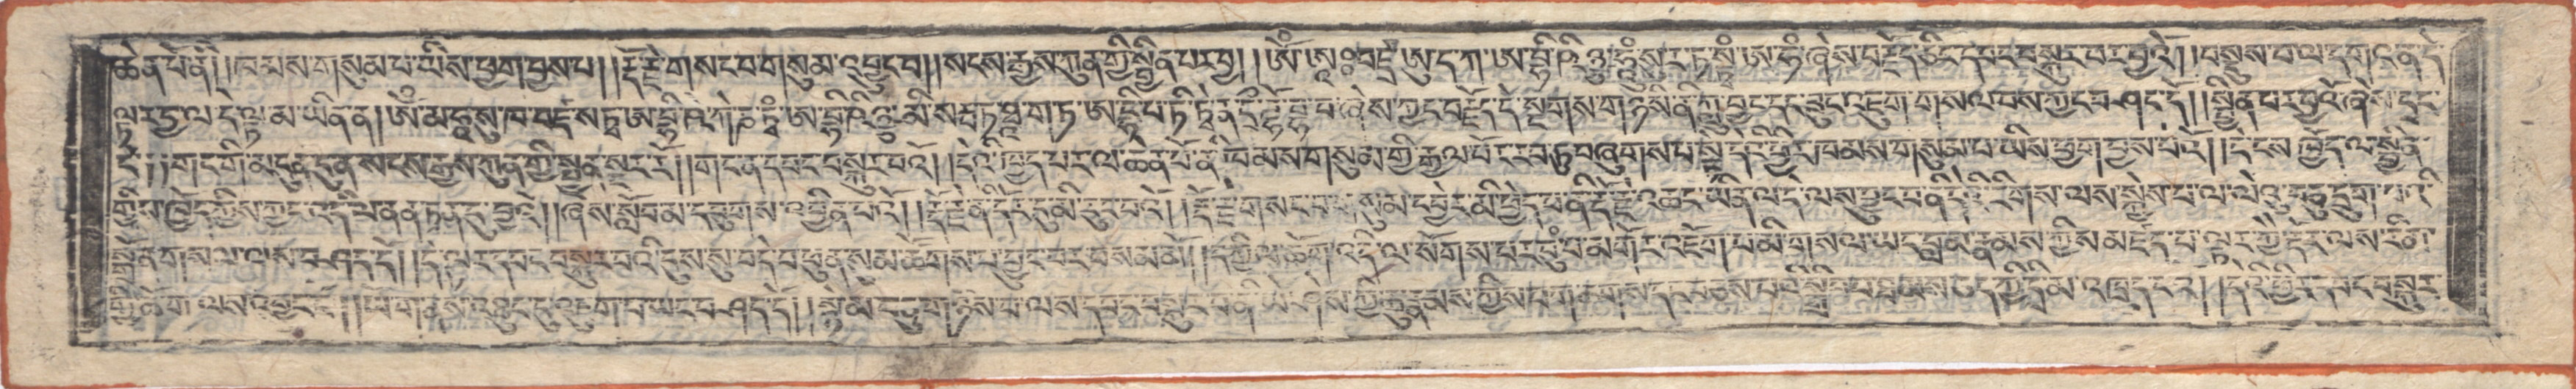ཆེན་པོ་ནི། །ཁམས་གསུམ་པ་ཡིས་ཕྱག་བྱས་པ། །རྡོ་རྗེ་གསང་བ་གསུམ་འབྱུང་བ། །སངས་རྒྱས་ཀུན་གྱི་སྦྱིན་པར་བྱ། །ཨོཾ་ཨཱཿ བཛྲ་ཨུ་ད་ཀ་ཨ་བྷི་ཥི་ཉྩ་ཧཱུཾ་སུ་ར་ཏ་སྟྭཾ་ཨ་ཧཾ་ཞེས་བརྗོད་ཅིང་དབང་བསྐུར་བར་བྱའོ། །བསྡུས་པ་ལ་དགའ་ན་དེ་
ལྟར་བྱ་ལ་དེ་ལྟ་མ་ཡིན་ན། ཨོཾ་མ་ཧཱ་སུ་ཁ་བཛྲ་སཏྭ་ཨ་བྷི་ཥི་ཀེ་ཎ་ཏྭཾ་ཨ་བྷི་ཥིཉྩ་མི་སརྦ་ཏ་ཐཱ་ག་ཏ་ཨ་དྷི་པ་ཏི་ཏྭེ་ན་དྲྀ་ཌྷོ་བྷ་བ་ཞེས་ཀྱང་བརྗོད་དེ་སྔགས་གཉིས་ནི་ཀླུ་བྱང་དང་ཟུང་འཇུག་གསལ་བས་ཀྱང་བཤད་དོ། །སྦྱིན་པར་བྱའོ་ཞེས་དྲང་
ངོ། །གང་གི་མདུན་དུ་ན་སངས་རྒྱས་ཀུན་གྱི་སྤྱན་སྔར་རོ། །གང་ན་དབང་བསྐུར་བའོ། །དེའི་ཁྱད་པར་ལ་ཆེན་པོ་ནི་ཁམས་གསུམ་གྱི་རྒྱལ་པོར་རབ་ཏུ་བཞུགས་པ་སྟེ་དེའི་ཕྱིར་ཁམས་གསུམ་པ་ཡིས་ཕྱག་བྱས་པའོ། །དེ་ངས་ཁྱོད་ལ་སྦྱིན་
གྱིས་ཁྱོད་ཀྱིས་ཀྱང་འདི་ལ་ནན་ཏན་དུ་བྱའོ། །ཞེས་སློབ་མ་དབུགས་འབྱིན་པའོ། །རྡོ་རྗེ་ནི་དོར་དུ་མི་རུང་བའོ། །རྡོ་རྗེ་གསང་བ་གསུམ་དབྱེར་མི་ཕྱེད་པ་ནི་རྡོ་རྗེ་འཆང་ཡིན་ལ་དེ་ལས་བྱུང་བ་ནི་དེའི་རིགས་ལས་སྐྱེས་པ་ལ་ལེའུ་བཅུ་དྲུག་པའི་
སྒྲོན་གསལ་ལས་བཤད་དོ། །དེ་ལྟར་དབང་བསྐུར་བའི་དུས་སུ་བདེ་བ་ཕུན་སུམ་ཚོགས་པ་བྱུང་བར་བསམ་མོ། །དཀྱིལ་ཆོག་འདི་ལ་སོགས་པར་བུཾ་པ་མགོར་འཇོག་པ་མི་གསལ་ཡང་བླ་མ་རྣམས་ཀྱིས་མཛད་པ་ལྟར་ཀྱཻ་རྡོར་ལས་རིམ་
གྱི་ཆོ་ག་ལས་འབྱུང་ངོ། །ཡོག་ནས་འཐུང་དུ་འཇུག་པ་ཡང་བཤད་དོ། །སྙེ་མ་བཅུ་གཉིས་པ་ལས་དབང་བསྐུར་བ་ནི་ཡེ་ཤེས་ཀྱི་ཆུ་རྣམས་ཀྱིས་བག་ཆགས་དང་བཅས་པའི་སྒྲིབ་པ་ཐམས་ཅད་ཀྱི་དྲི་མ་འཁྲུད་པའོ། །དེའི་ཕྱིར་དབང་བསྐུར་